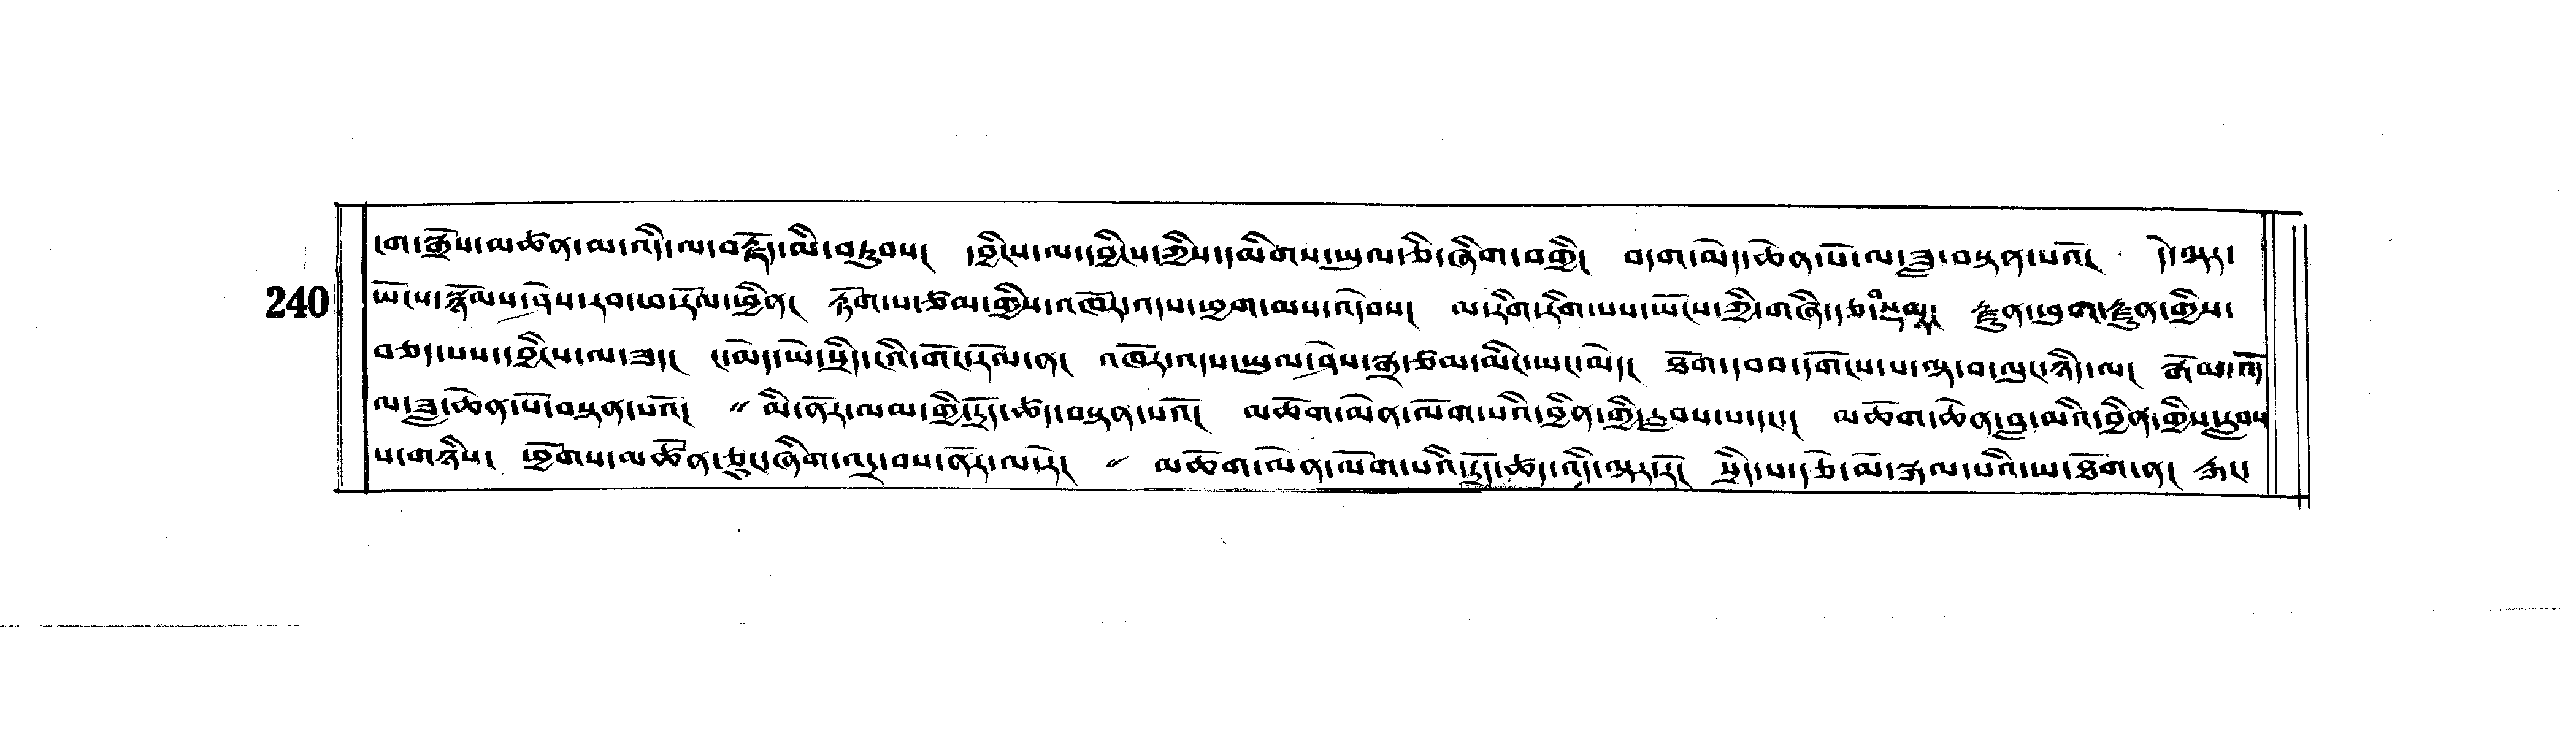ངག་སྒྲོས་མཚན་མ་འདི་ལ་བརྗོད་མི་གཏུབ། དབྱིངས་ལ་དབྱིངས་ཀྱིས་དམིགས་ཡུལ་ཅི་ཞིག་བགྱི། བདག་མེད་ཆེན་པོ་ལ་བཟླ་བསྟན་པའོ། དེ་ལྟར་
ཡོངས་སྙོམས་ཤེས་རབ་ཕ་རོལ་ཕྱིན། རྟོགས་པ་ཙམ་གྱིས་འཁོར་འདས་ཕྱག་མས་འདེབས། མ་རིག་རིག་པས་ཡོངས་ཀྱི་གཞི་རྩ་བསྡམས། རྫུན་ཕུག་རྫུན་གྱིས་
བཅད་པས་དབྱིངས་ལ་ཟད། ང་མེད་ཡེ་སྲིད་ང་ཡི་གོང་རོལ་ན། འཁོར་འདས་ཡུལ་ཤེས་སྒྲ་ཙམ་མིང་ཡང་མེད། ཐོག་དབབ་དགོངས་པ་ལྟ་བ་ལུང་ཉིད་ལ། སྒོམ་འོད་
ལ་བཟླ་ཆེན་པོ་བསྟན་པའོ། ༧ མི་ནོར་ལམ་གྱི་དྲོད་ཚད་བསྟན་པའོ། མཆོག་མེན་ལོག་པའི་བྱིན་གྱིས་བརླབ་པ་དང་། མཆོག་ཆེན་བླ་མའི་བྱིན་གྱིས་བརླབ་
པ་གཉིས། ཕྱོགས་མཚོན་ཅུང་ཞིག་འདྲ་བས་ནོར་ལ་རེ། ༧ མཆོག་མེན་ལོག་པའི་དྲོད་ཚད་འདི་ལྟར་རོ། སྲིད་པ་རྩེ་མོ་བསྐལ་པའི་ཡ་ཐོག་ན། རྐང་